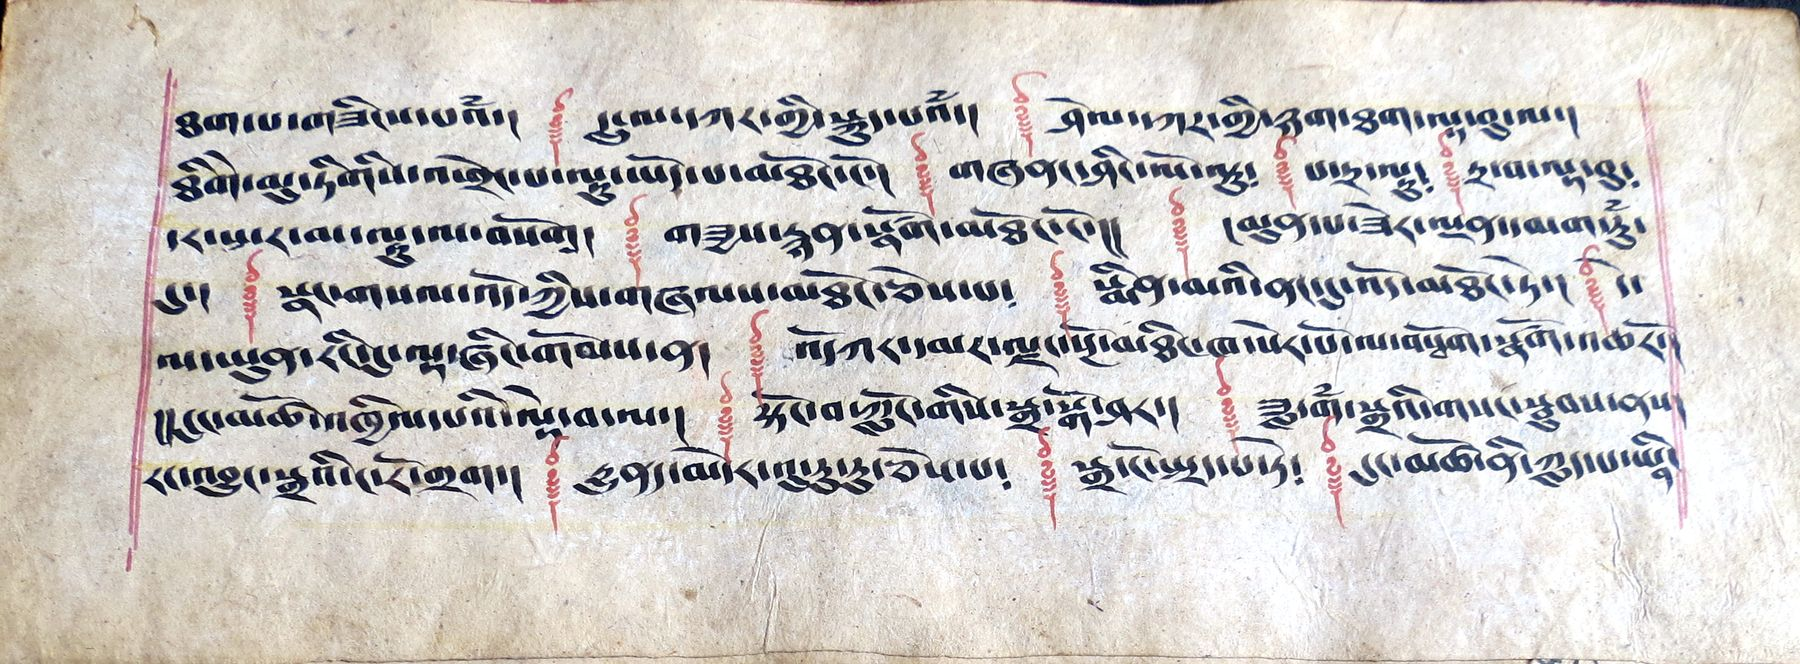ཐག་པ་གཟིངས་པའམ། དངུལ་དཀར་གྱི་སྐུད་པའམ། ཤེལ་དཀར་གྱི་ཉག་ཐག་ལྟ་བུ་ལ། 
ཐིག་ལེ་མུ་ཏིག་གི་འཕྲེང་བ་ལྟ་བུ་ཡོད་པ་མཐོང་ངོ་། །གཞན་ཡང་ཤིང་ལོ་ལྟ་བུ། པ་ཏྲ་ལྟ་བུ། དྲྭ་བ་ལྟ་བུ། 
དར་སྤར་མ་ལྟ་བུ་ལས་སོགས། གཟུགས་བརྙན་སྣ་ཚོགས་མཐོང་ངོ་། །མུན་པ་ཟེར་ལྡན་སྨག་རུམ་
དུ། སྣང་གསལ་འོད་ཀྱི་གཞལ་ཡས་མཐོང་། །ཞེས་པས། སྨིན་མའི་{སྨག་གི}ནང་དུ་འོད་མཐོང་སྟེ། དེ་
ལ་ཡུན་རིང་དུ་ལྟ་ཞིང་གོམས་ན། འོད་དཀར་དམར་ལྗང་སྔོ་མཐིང་ཁ་སེར་པོ་ལས་སོགས་སྣ་ཚོགས་འཆར་རོ། 
།།དུང་མཚོ་འཁྱིལ་པའི་ལྟེ་བ་ལ། སྟོང་པ་ཀློང་གི་སྒྲ་སྒོ་ཤར། ཟླ་གམ་སྒྲའི་གསང་སྦུབས་ནས། 
རང་འབྱུང་སྒྲའི་ང་རོ་གྲག རྒྱུན་ཆད་མེད་པར་འུ་རུ་རུ། །ཞེས་པས། སྒྲ་ལ་ངོ་སྤྲད་པ་སྟེ། དུང་མཚོ་ནི་ཀླད་པ་ཡིན།